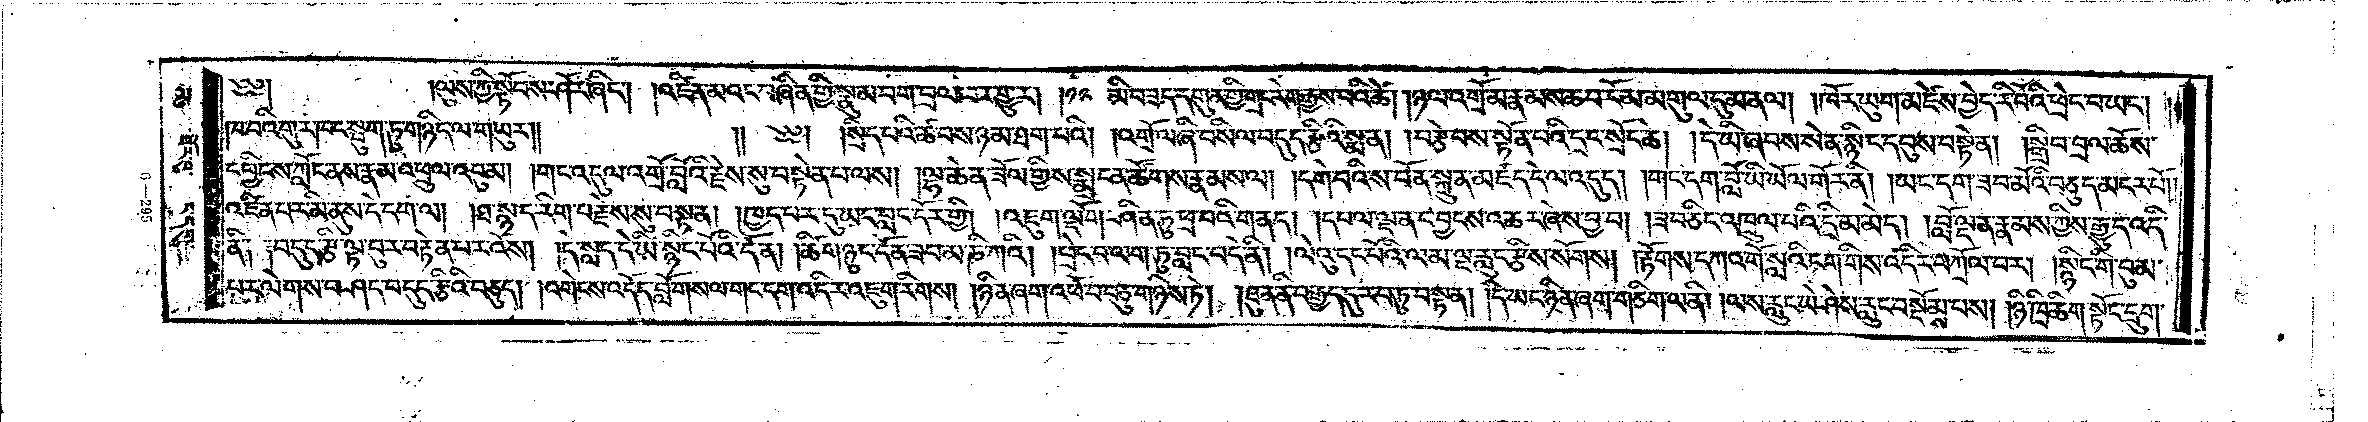༄༅། །ལུས་ཀྱི་སྟོབས་ཤོར་ཞིང་། །འཛིན་མའང་བཞིན་གྱི་སྣུམ་བག་བྲལ་བར་གྱུར། །༡༢་མི་བཟད་དགུན་གྱི་གྲང་རེག་རྒྱས་པའི་ཚེ། །ཉལ་འགྲོ་མ་རྣམས་ཆ་བ་རོམ་མགུལ་དུ་མནལ། །འཁོར་ཡུག་མཛེས་བྱེད་རི་བོའི་ཕྲེང་བ་ཡང་། །
ཁ་བའི་གུར་ཁང་སྤུག་ཏུ་གཉིད་ལ་གཡུར།། །། ༄༅། །སྲིད་པའི་ཚ་བས་ཉམ་ཐག་པའི། །འགྲོ་ལ་ཞི་བསིལ་བདུད་རྩིའི་སྨན། །བརྩེ་བས་སྟོན་བའི་དྲང་སྲོང་ཆེ། །དེ་ཡི་ཞབས་སེན་སྙིང་དབུས་སྟེན། །སྒྲིབ་བྲལ་ཆོས་
དབྱིངས་ཀློང་ནས་རྣམ་འཕྲུལ་འབུམ། །གང་འདུལ་འགྲོ་བློའི་རྗེས་སུ་བསྟེན་པ་ལས། །ལྷ་ཆེན་ཟོལ་གྱིས་སྨྲ་ངན་ཚོགས་རྣམས་ལ། །དགེ་བའི་ས་བོན་སྐྲུན་མཛད་དེ་ལ་འདུད། །གང་དག་བློ་ཡི་ཡོལ་གོར་ནི། །ཡང་དག་ཟབ་མོའི་བཅུད་མངར་པོ།།
འཛིན་པར་མི་ནུས་དེ་དག་ལ། །ཐ་སྙད་རིག་པ་རྗེས་སུ་བསྟན། །ཁྱད་པར་དུ་ཡང་བླང་དོར་གྱི། །འཇུག་ལྡོག་ཤིན་ཏུ་ཕྲ་བའི་གནད། །དཔལ་ལྡན་དབྱངས་འཆར་ཞེས་བྱ་བ། །ཟབ་ཅིང་འཁྲུལ་པའི་དྲི་མ་མེད། །བློ་ལྡན་རྣམས་ཀྱིས་རྒྱུད་འདི་
ནི༑ ༑བདུད་རྩི་ལྟ་བུར་བརྟེན་པར་འོས། །དེ་སླད་དེ་ཡི་སྙིང་པོའི་དོན། །ཚིག་ཉུང་དོན་ཟབ་མ་ཎི་ཀའི། །ཕྲེང་བ་ལག་ཏུ་བླང་བདེ་ནི། །ལེའུ་དང་པོའི་ལམ་ལྔ་རླུང་རྩིས་སོགས། །རྟོགས་དཀའ་གོ་སླའི་ངག་གིས་འདིར་བཀྲོལ་བར། །སྙིང་གི་བུམ་
པར་ལེགས་བཤད་བདུད་རྩིའི་བཅུད། །འགེངས་འདོད་བློ་གསལ་གང་དག་འདིར་འཇུག་རིགས། །ཉིན་ཞག་འཕོ་བ་བཅུ་གཉིས་ཏེ། །ཐུན་ནི་བརྒྱད་དུ་རབ་ཏུ་བསྟན། །དེ་ཡང་ཉིན་ཞག་གཅིག་ལ་ན། །ལས་རླུང་ཡེ་ཤེས་རླུང་བསྡོམས་པ། །ཉི་ཁྲི་ཆིག་སྟོང་དྲུག་